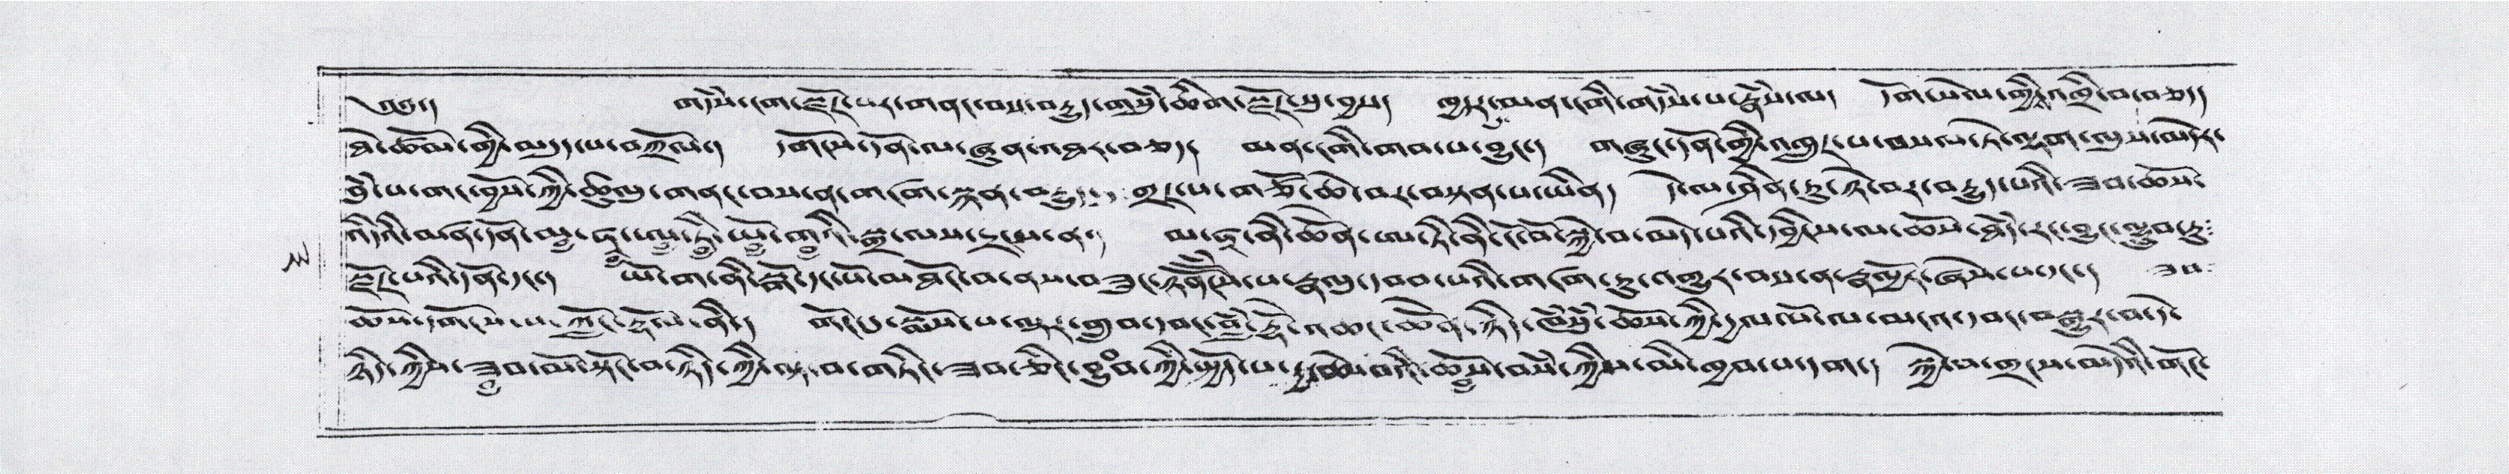གདམས་ངག་རྫོགས་པར་གནང་བས་བརྒྱུད་གསུམ་ཆིག་རྫོགས་སུ་བྱས། ཁྱད་པར་མན་ངག་གི་གདམས་པ་རྣམས་ལ། དྭོགས་སེལ་གྱི་འཁྲི་བ་བཅད། 
ཐེ་ཚོམ་གྱི་མདུད་པ་བཀྲོལ། དགོངས་དོན་ལ་ཞུན་མཐར་བཅད། མན་ངག་གི་གབ་པ་བྱུང་། གཞུང་དོན་གྱི་འཁྲུག་པ་བསལ་ཏེ་ལྷག་ལུས་མེད་པར་
བུམ་པ་གང་བྱོའི་ཚུལ་གྱིས་གནང་བས་ན་གང་ཟག་སྙན་རྒྱུད་གྲགས་པ་གཙོ་ཆེ་བར་བསྟན་པ་ཡིན། དེ་ལ་ཤིན་ཏུ་ཉེ་བར་བརྒྱུད་པའི་ཟབ་ཆོས་
འདིའི་མཚན་དོན་མ་ཧ་ཨ་ཏི་ཡོ་གའི་སྒྲ་ལས་དྲངས་ན། མ་ཧ་ནི་ཆེན་པོ་ཨ་ཏི་ནི་ངོ་བོ་སྐྱེ་བ་མེད་པའི་དབྱིངས་ལ་ཆོས་ཐམས་ཅད་རང་བྱུང་ལྷུན་གྲུབ་ཏུ་
རྫོགས་པའི་དོན་དང་། ཡོ་ག་ནི་སྒོ་དང་པོ་མཐོང་བ་ནས་བཟུང་ཉོན་མོངས་པ་རྣལ་དུ་དབབ་པའི་གང་ཟག་ཏུ་འགྱུར་བས་ན་རྣལ་འབྱོར་ཞེས་པ་དང་། ཟབ་
ཆོས་དགོངས་པ་ཀློང་རྡོལ་ནི། གོང་དུ་སྨོས་པ་ལྟར་གྲུབ་དབང་བླ་མ་རྡོ་རྗེ་འཆང་ཆེན་པོ་ཉིད་ཁམས་གསུམ་ཆོས་ཀྱི་རྒྱལ་པོ་ལ་མངའ་དབང་བསྒྱུར་བ་དེ་
ཉིད་ཀྱིས། ཟབ་མོ་སྟོང་པ་ཉིོད་ཀྱི་ལྟ་བ་གཏིང་ཟབ་ཅིང་བྱང་ཆུབ་ཀྱི་སྤྱོད་པ་རྒྱ་ཆེ་བའི་ཆོས་བསམ་གྱིས་མི་ཁྱབ་པ་དག སྐྱེ་བ་གྲངས་མེད་གོང་